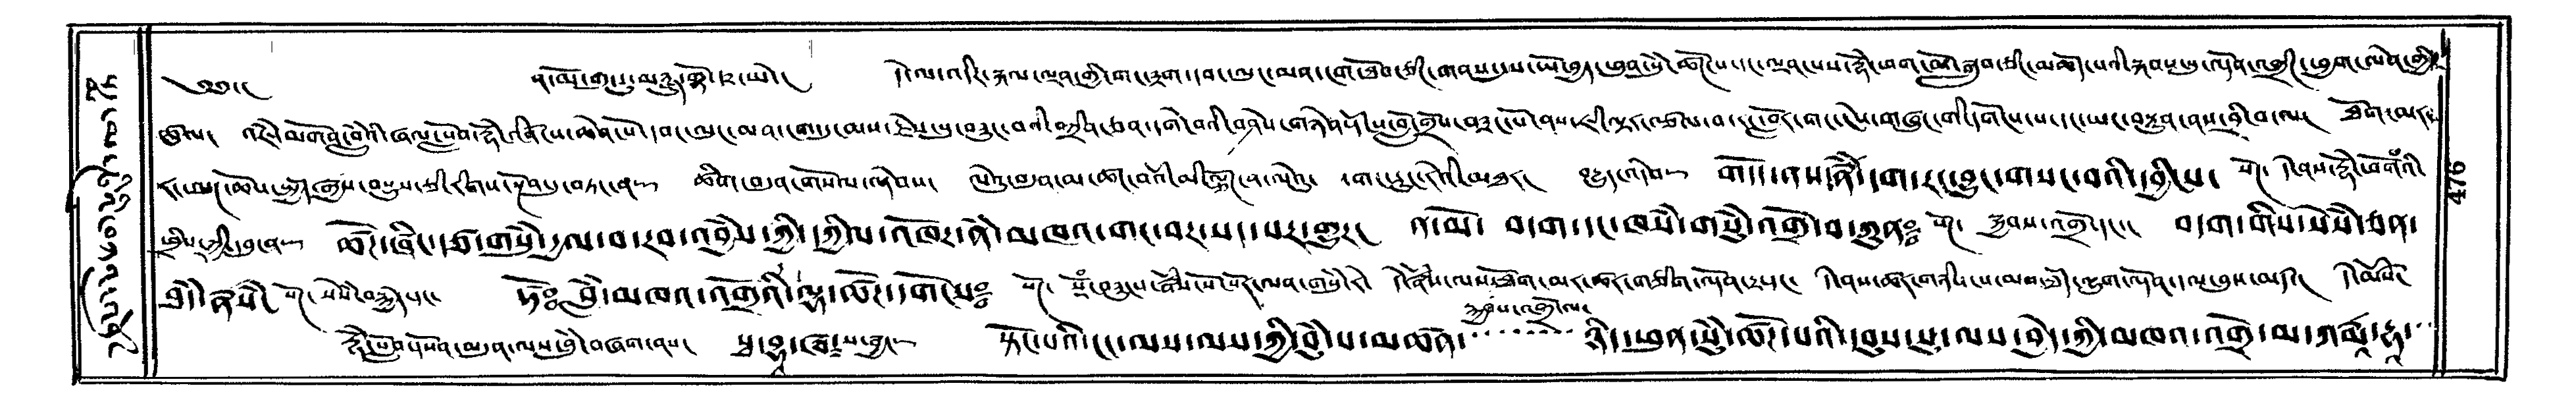ན་མོ་གུ་རུ་མཉྫུ་གྷོ་ར་ཡེ། དེ་ལ་འདིར་སྐལ་ལྡན་གྱི་གང་ཟག་དབང་ལུང་མན་ངག་ཐོབ་ཅིང་གནས་དུས་ཡོ་བྱད་ཕུན་སུམ་ཚོགས་པ་དང་ལྡན་པས་རྡོ་རྗེ་ཕག་མོ་སྒྲུབ་ཅིང་མཆོད་པའི་སྐབས་སུ་འདོན་འགྲིགས་ཕྱག་ལེན་གྱི་
ཚུལ། འཇམ་མགོན་བླ་མའི་ཞལ་སློབ་རྡོ་རྗེ་འཛིན་པ་ཆེན་པོ་དབང་ལུང་མན་ངག་དུ་མས་རྗེས་སུ་བཟུང་བའི་བཀའ་དྲིན་ཅན་དགེ་བའི་བཤེས་གཉེན་དམ་པ་བློ་གྲོས་བཟང་པོ་ནས་ཇི་ལྟར་བསྩལ་བ་རང་བློར་གང་ངེས་གཞུང་གི་དགོངས་པ་དང་ཡང་བསྟུན་ནས་འབྲི་བ་ལ། ཐོག་མར་
རང་ལུགས་ཆོས་སྤྱོད་རྒྱས་བསྡུས་ཅི་རིགས་སྔོན་དུ་བཏང་ནས། ཚིག་བདུན་གསོལ་འདེབས། ལེའུ་བདུན་མ་ཚང་བའམ་མི་ལྕོགས་ན་ལེའུ་ གང་རུང་རེའི་མཐར། བརྒྱུད་འདེབས། གདོད་ནས་རྣམ་དག་རང་བྱུང་གསང་བའི་དབྱིངས། །སོགས། དེ་ནས་རྡོ་རྗེ་ཕག་མོའི་
ཕྲིན་ལས་ཀྱི་དབུ་ནས། ཚོགས་ཞིང་རྩ་གསུམ་རྒྱལ་བ་རབ་འབྱམས་ཀྱི་དཀྱིལ་འཁོར་ནམ་མཁའ་གང་བར་སད་པར་གྱུར། ན་མོཿ བདག་དང་ཁམས་གསུམ་འགྲོ་བ་ཀུན༴ སོགས། སྐྱབས་འགྲོ་དང་། བདག་གིས་སེམས་ཅན་
ཐམས་ཅད་རྣམས༴ སོགས་སེམས་བསྐྱེད་དང་། ཧོ༔ བླ་མ་མཁའ་འགྲོའི་ལྷ་ཚོགས་དགོངས། སོགས། སྡོམ་བཟུང་རྣམས་སོ་སོར་ལན་གསུམ་རེ། དེ་རྣམས་ལས་སྐྱབས་འགྲོ་ལ་ཐོག་མར་ཚར་གཅིག་འདོན་རྟ་དང་། དེ་ནས་ཚར་གཉིས་པ་མན་ཐམས་ཅད་ལྷུག་འདོན་དལ་བུས་མཛད། དེ་མཚམས་
རྡོ་རྗེ་སློབ་དཔོན་མདུན་ལས་བུམ་བཞག་ནས། སྭ་བྷཱ་ཝ ས་སྦྱང་། སྟོང་པའི་ངང་ལས་ལས་ཀྱི་བུམ་པ་མཚན་ཉིད་ཕུན་སུམ་ཚོགས་པའི་དབུས་སུ་ལས་བྱེད་ཀྱི་མཁའ་འགྲོ་མ་ཀརྨཱ་དྷཱ་ཀི་